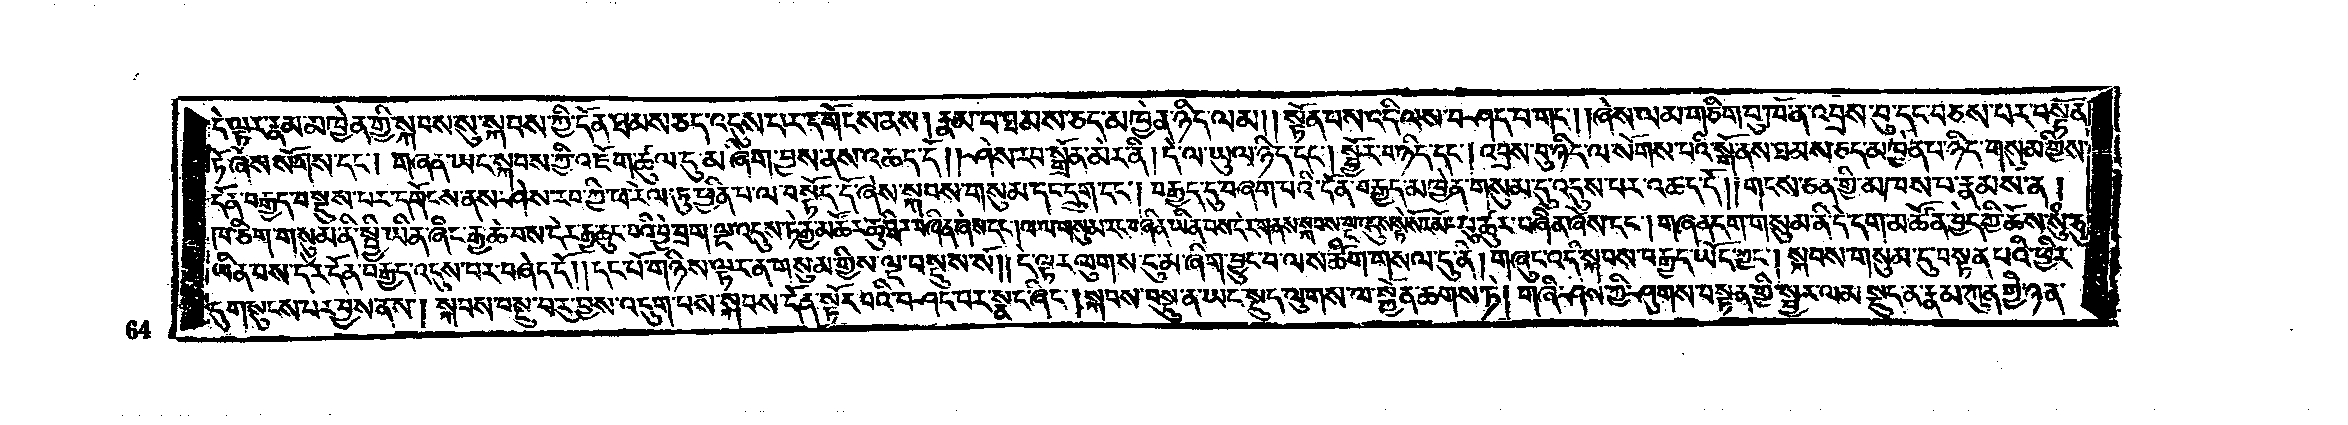དེ་ལྟར་རྣམ་མཁྱེན་གྱི་སྐབས་སུ་སྐབས་ཀྱི་དོན་ཐམས་ཅད་འདུས་པར་དགོངས་ནས། རྣམ་པ་ཐམས་ཅད་མཁྱེན་ཉིད་ལམ། །སྟོན་པས་འདི་ལས་བཤད་པ་གང་། །ཞེས་ལམ་གཅིག་པུ་ཁོ་ན་འབྲས་བུ་དང་བཅས་པར་བསྟན་
ཏོ་ཞེས་སོགས་དང་། གཞན་ཡང་སྐབས་ཀྱི་འཇོག་ཚུལ་དུ་མ་ཞིག་བྱས་ནས་འཆད་དོ། །ཤེས་རབ་སྒྲོན་མེར་ནི། དེ་ལ་ཡུལ་ཉིད་དང་། སྦྱོར་བ་ཉིད་དང་། འབྲས་བུ་ཉིད་ལ་སོགས་པའི་སྒོ་ནས་ཐམས་ཅད་མཁྱེན་པ་ཉིད་གསུམ་གྱིས་
དོན་བརྒྱད་བསྡུས་པར་དགོངས་ནས་ཤེས་རབ་ཀྱི་ཕ་རོལ་ཏུ་ཕྱིན་པ་ལ་བསྟོད་དོ་ཞེས་སྐབས་གསུམ་དང་དྲུག་དང་། བརྒྱད་དུ་བཞག་པའི་དོན་བརྒྱད་མཁྱེན་གསུམ་དུ་འདུས་པར་འཆད་དོ། །གངས་ཅན་གྱི་མཁས་པ་རྣམས་ནི།
ཁ་ཅིག་གསུམ་ནི་སྤྱི་ཡིན་ཞིང་རྒྱ་ཆེ་བས་དེར་རྒྱ་ཆུང་བའི་བྱེ་བྲག་ལྔ་འདུས་ཏེ་རྒྱ་མཚོར་ཆུ་ཐིགས་བཞིན་ཞེས་དང་། ལ་ལ་གསུམ་རང་བཞིན་ཡིན་པས་དེར་གནས་སྐབས་ལྔ་འདུས་སྟེ་སོར་མོར་བུ་ཚུར་བཞིན་ཞེས་དང་། གཞན་དག་གསུམ་ནི་དེ་དག་མཚོན་བྱེད་ཀྱི་ཆོས་སུམ་ཅུ་
ཡིན་པས་དེར་དོན་བརྒྱད་འདུས་པར་བཞེད་དོ། །དང་པོ་གཉིས་ལྟར་ན་གསུམ་གྱིས་ལྔ་བསྡུས་སོ། །དེ་ལྟར་ལུགས་དུ་མ་ཞིག་བྱུང་བ་ལས་ཚིག་གསལ་དུ་ནི། གཞུང་འདི་སྐབས་བརྒྱད་ཡོད་ཀྱང་། སྐབས་གསུམ་དུ་བསྟན་པའི་ཕྱིར་
དུ་གསུངས་པར་བྱས་ནས། སྐབས་བསྡུ་བ་རུ་བྱས་འདུག་པས་སྐབས་དོན་སྟོར་བའི་བཤད་པར་སྣང་ཞིང་། སྐབས་བསྡུ་ན་ཡང་སྡུད་ལུགས་ལ་སྐྱོན་ཆགས་ཏེ། གཞི་ཤེས་ཀྱི་ཤུགས་བསྟན་གྱི་སྦྱོར་ལམ་སྡུད་ན་རྣམ་ཀུན་གྱི་ཉན་